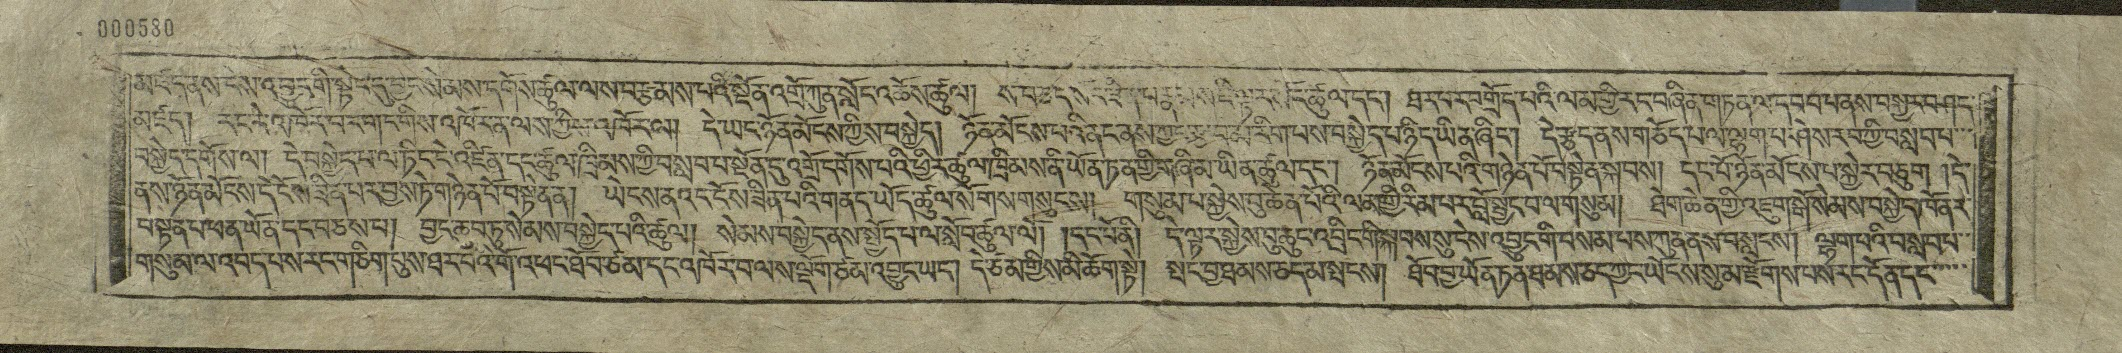མཛད་ནས་ངེས་འབྱུང་གི་སྟེང་དུ་བྱང་སེམས་དགོས་ཚུལ་ལས་བརྩམས་པའི་སྔོན་འགྲོ་ཀུན་སློང་འཆོས་ཚུལ། ས་བཅད་སོང་ཟིན་པ་རྣམས་ཇི་ལྟར་སོང་ཚུལ་དང་། ཐར་པར་བགྲོད་པའི་ལམ་གྱི་རང་བཞིན་གཏན་ལ་དབབ་པ་ནས་བསྐྱར་བཤད་
མཛད། རང་རེ་འཁོར་བར་གང་གིས་འཁོར་ན་ལས་ཀྱིས་འཁོར་ལ། དེ་ཡང་ཉོན་མོངས་ཀྱིས་བསྐྱེད། ཉོན་མོངས་པའི་ནང་ནས་ཀྱང་རྩ་བ་མ་རིག་པས་བསྐྱེད་པ་ཉིད་ཡིན་ཞིང་། དེ་རྩད་ནས་གཅོད་པ་ལ་ལྷག་པ་ཤེས་རབ་ཀྱི་བསླབ་པ་
བསྐྱེད་དགོས་ལ། དེ་བསྐྱེད་པ་ལ་ཏིང་ངེ་འཛིན་དང་ཚུལ་ཁྲིམས་ཀྱི་བསླབ་པ་སྔོན་དུ་འགྲོ་དགོས་པའི་ཕྱིར་ཚུལ་ཁྲིམས་ནི་ཡོན་ཏན་གྱི་གཞི་མ་ཡིན་ཚུལ་དང་། ཉོན་མོངས་པའི་གཉེན་པོ་བསྟེན་སྐབས། དང་པོ་ཉོན་མོངས་པ་སྐྱེར་བཅུག །དེ་
ནས་ཉོན་མོངས་དེ་ངོས་ཟིན་པར་བྱས་ཏེ་གཉེན་པོ་བསྟེན་ན། ཡེངས་ནའང་ངོས་ཟིན་པའི་གནད་ཡོད་ཚུལ་སོགས་གསུངས། གསུམ་པ་སྐྱེས་བུ་ཆེན་པོའི་ལམ་གྱི་རིམ་པར་བློ་སྦྱང་བ་ལ་གསུམ། ཐེག་ཆེན་གྱི་འཇུག་སྒོ་སེམས་བསྐྱེད་ཁོ་ནར་
བསྟན་པ་ཕན་ཡོན་དང་བཅས་པ། བྱང་ཆུབ་ཏུ་སེམས་བསྐྱེད་པའི་ཚུལ། སེམས་བསྐྱེད་ནས་སྤྱོད་པ་ལ་སློབ་ཚུལ་ལོ། །དང་པོ་ནི། དེ་ལྟར་སྐྱེས་བུ་ཆུང་འབྲིང་གི་སྐབས་སུ་ངེས་འབྱུང་གི་བསམ་པས་ཀུན་ནས་བསླངས། ལྷག་པའི་བསླབ་པ་
གསུམ་ལ་འབད་པས་རང་གཅིག་པུས་ཐར་བའི་གོ་འཕང་ཐོབ་ཙམ་དང་འཁོར་བ་ལས་ལྡོག་ཙམ་འབྱུང་ཡང་། དེ་ཙམ་གྱིས་མི་ཆོག་སྟེ། སྤང་བྱ་ཐམས་ཅད་མ་སྤངས། ཐོབ་བྱ་ཡོན་ཏན་ཐམས་ཅད་ཀྱང་ཡོངས་སུ་མ་རྫོགས་པས་རང་དོན་དང་